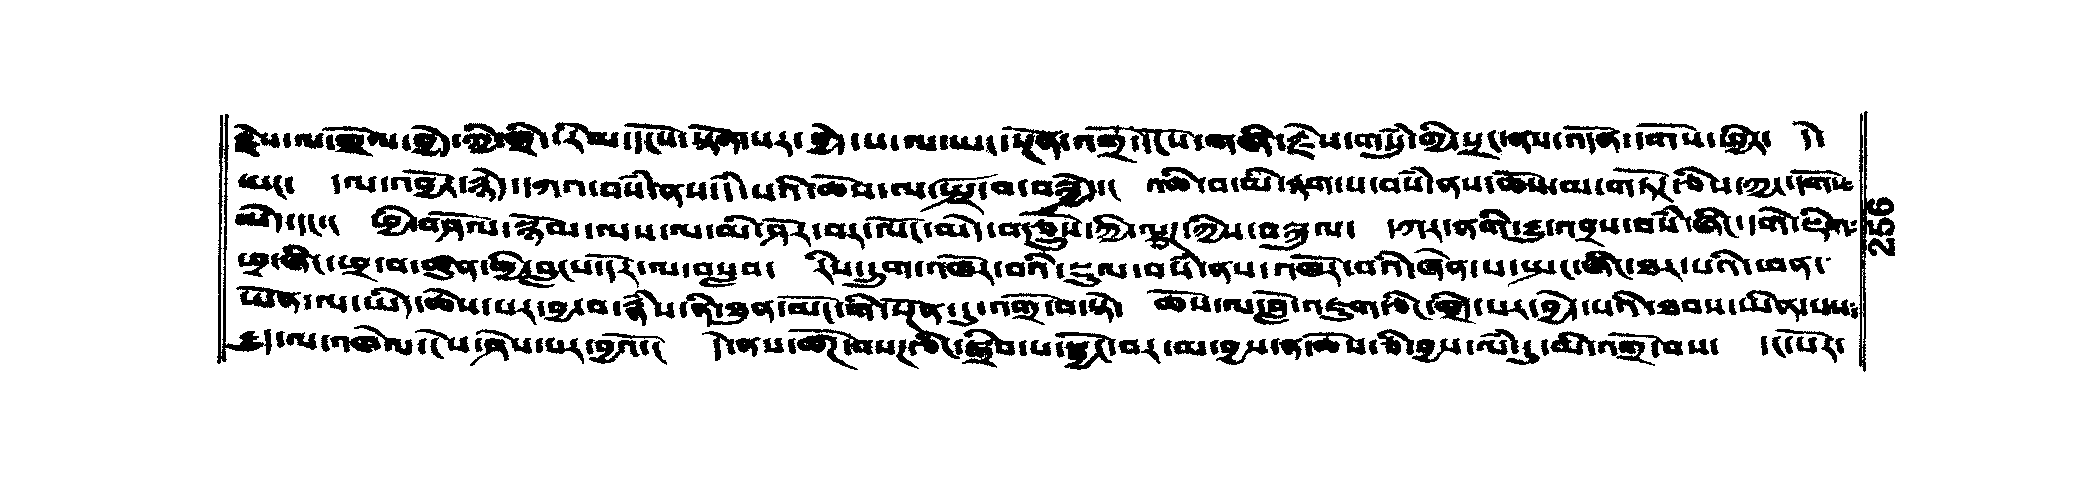རྗེས་ལ་གྲོལ་བྱེད་ཀྱི་ཁྲིད་རིམ་དངོས་སྟོན་པར་བྱེད་པ་ལ་ཡང་སྔོན་འགྲོ་དངོས་གཞི་རྗེས་གསུམ་གྱི་སྲང་ནས་འདོན་དགོས་ཕྱིར། དེ་
ཡང་དལ་འབྱོར་རྙེད་དཀའ་བསམ་ནས་དམ་པའི་ཆོས་ལ་སྤྲོ་བ་བསྐྱེད། འཆི་བ་མི་རྟག་པ་བསམ་ནས་ཆོས་མ་གཏོགས་ཅིས་ཀྱང་དགོས་
མེད་དང་། ཕྱི་བཤོལ་སྙོམ་ལས་ལ་མི་ཤོར་བར་ལོང་མེད་བརྩོན་འགྲུས་ཀྱི་ལྕགས་ཀྱིས་བསྐུལ། དཀར་ནག་གི་རྒྱུ་འབྲས་བསམ་ཞིང་དགེ་སྡིག་
ཕྲ་ཞིང་ཕྲ་བ་ཚུན་གྱི་བླང་དོར་ལ་བསླབས། རིགས་དྲུག་འཁོར་བའི་སྡུག་བསྔལ་བསམ་ནས་འཁོར་བའི་ཞེན་པ་སྤང་ཞིང་ཐར་པའི་ཕན་
ཡོན་ལ་ཡིད་ཆེས་པར་བྱ་བ་རྣམས་ནི་ཐུན་མོང་གི་སྔོན་དུ་འགྲོ་བ་སྟེ། ཆོས་ལ་བློ་འཇུག་ཅིང་ཁྲིད་པར་བྱེད་པའི་ཐབས་ཡིན་པས་
རྒྱུད་ལ་འཁེལ་ངེས་ཤེས་པར་བྱའོ། དེ་ནས་ཚོགས་བསག་ཅིང་སྒྲིབ་པ་སྦྱོང་བར་མ་བྱས་ན་ཆོས་ཅི་བྱས་ལམ་དུ་མི་འགྲོ་བས།དང་པོར་